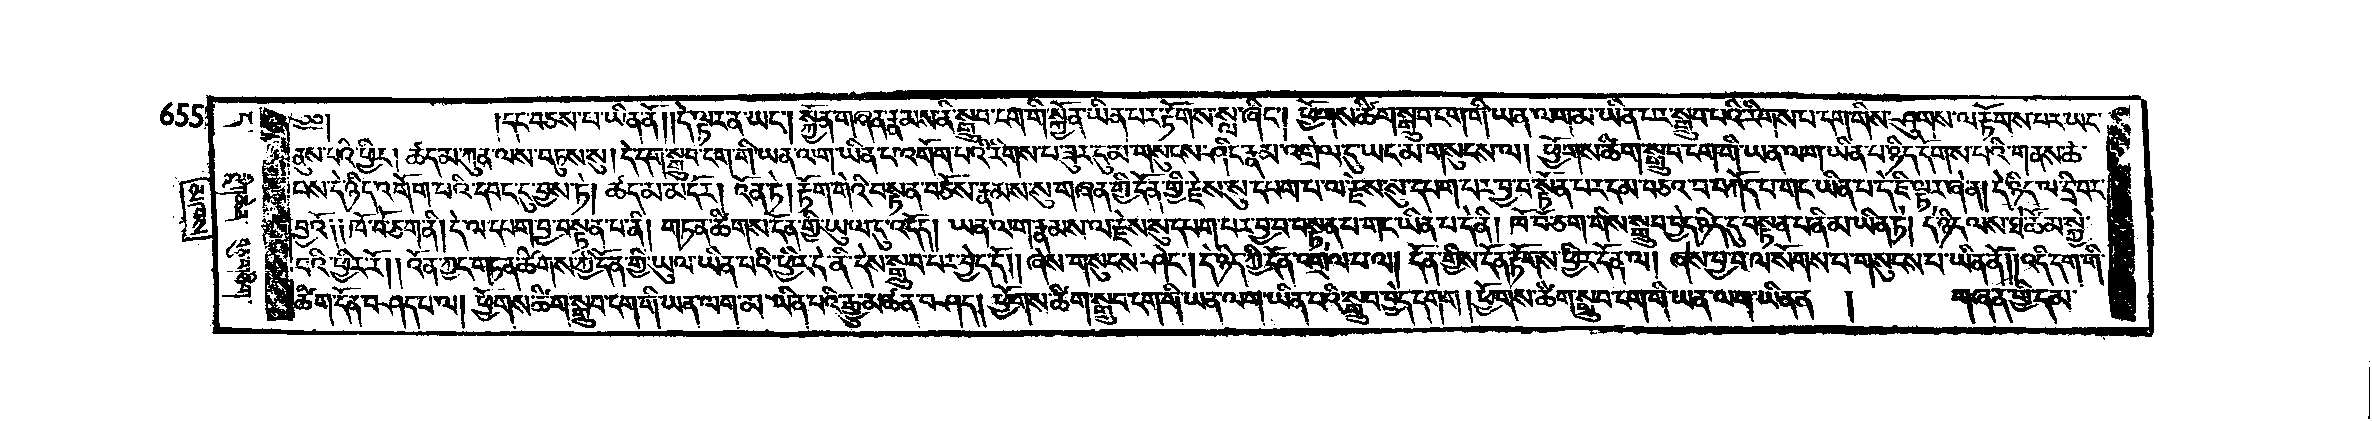༄༅། །དང་བཅས་པ་ཡིན་ནོ། དེ་ལྟར་ན་ཡང་། སྐྱོན་གཞན་རྣམས་ནི་སྒྲུབ་ངག་གི་སྐྱོན་ཡིན་པར་རྟོགས་སླ་ཞིང་། ཕྱོགས་ཚིག་སྒྲུབ་ངག་གི་ཡན་ལག་མ་ཡིན་པར་སྒྲུབ་པའི་རིགས་པ་དག་གིས་ཤུགས་ལ་རྟོགས་པར་ཡང་
ནུས་པའི་ཕྱིར། ཚད་མ་ཀུན་ལས་བཏུས་སུ། དེ་དག་སྒྲུབ་ངག་གི་ཡན་ལག་ཡིན་པ་འགོག་པའི་རིགས་པ་ཟུར་དུ་མ་གསུངས་ཤིང་རྣམ་འགྲེལ་དུ་ཡང་མ་གསུངས་ལ། ཕྱོགས་ཚིག་སྒྲུབ་ངག་གི་ཡན་ལག་ཡིན་པ་ཉིད་དོགས་པའི་གནས་ཆེ་
བས་དེ་ཉིད་འགོག་པའི་དབང་དུ་བྱས་ཏེ། ཚད་མ་མདོར། འོན་ཏེ། རྟོག་གེའི་བསྟན་བཅོས་རྣམས་སུ་གཞན་གྱི་དོན་གྱི་རྗེས་སུ་དཔག་པ་ལ་རྗེས་སུ་དཔག་པར་བྱ་བ་སྟོན་པར་དམ་བཅའ་བ་བཀོད་པ་གང་ཡིན་པ་དེ་ཇི་ལྟར་ཞེ་ན། དེ་ཉིད་ལ་དྲི་བར་
བྱའོ། །ཁོ་བོ་ཅག་ནི། དེ་ལ་དཔག་བྱ་བསྟན་པ་ནི། གཏན་ཚིགས་དོན་གྱི་ཡུལ་དུ་འདོད། ཡན་ལག་རྣམས་ལ་རྗེས་སུ་དཔག་པར་བྱ་བ་བསྟན་པ་གང་ཡིན་པ་དེ་ནི། ཁོ་བོ་ཅག་གིས་སྒྲུབ་བྱེད་ཉིད་དུ་བསྟན་པ་ནི་མ་ཡིན་ཏེ། དེ་ཉིད་ལས་ཐེ་ཚོམ་སྐྱེ་
བའི་ཕྱིར་རོ། །འོན་ཀྱང་གཏན་ཚིགས་ཀྱི་དོན་གྱི་ཡུལ་ཡིན་པའི་ཕྱིར་དེ་ནི་དེས་སྒྲུབ་པར་བྱེད་དོ། །ཞེས་གསུངས་ཤིང་། དེ་ཉིད་ཀྱི་དོན་འགྲེལ་བ་ལ། དོན་གྱིས་དོན་རྟོགས་ཕྱིར་དོན་ལ། ཞེས་བྱ་བ་ལ་སོགས་པ་གསུངས་པ་ཡིན་ནོ། །འདི་དག་གི་
ཚིག་དོན་བཤད་པ་ལ། ཕྱོགས་ཚིག་སྒྲུབ་ངག་གི་ཡན་ལག་མ་ཡིན་པའི་རྒྱུ་མཚན་བཤད། ཕྱོགས་ཚིག་སྒྲུབ་ངག་གི་ཡན་ལག་ཡིན་པའི་སྒྲུབ་བྱེད་དགག །ཕྱོགས་ཚིག་སྒྲུབ་ངག་གི་ཡན་ལག་ཡིན་ན། གཞན་གྱི་དམ་